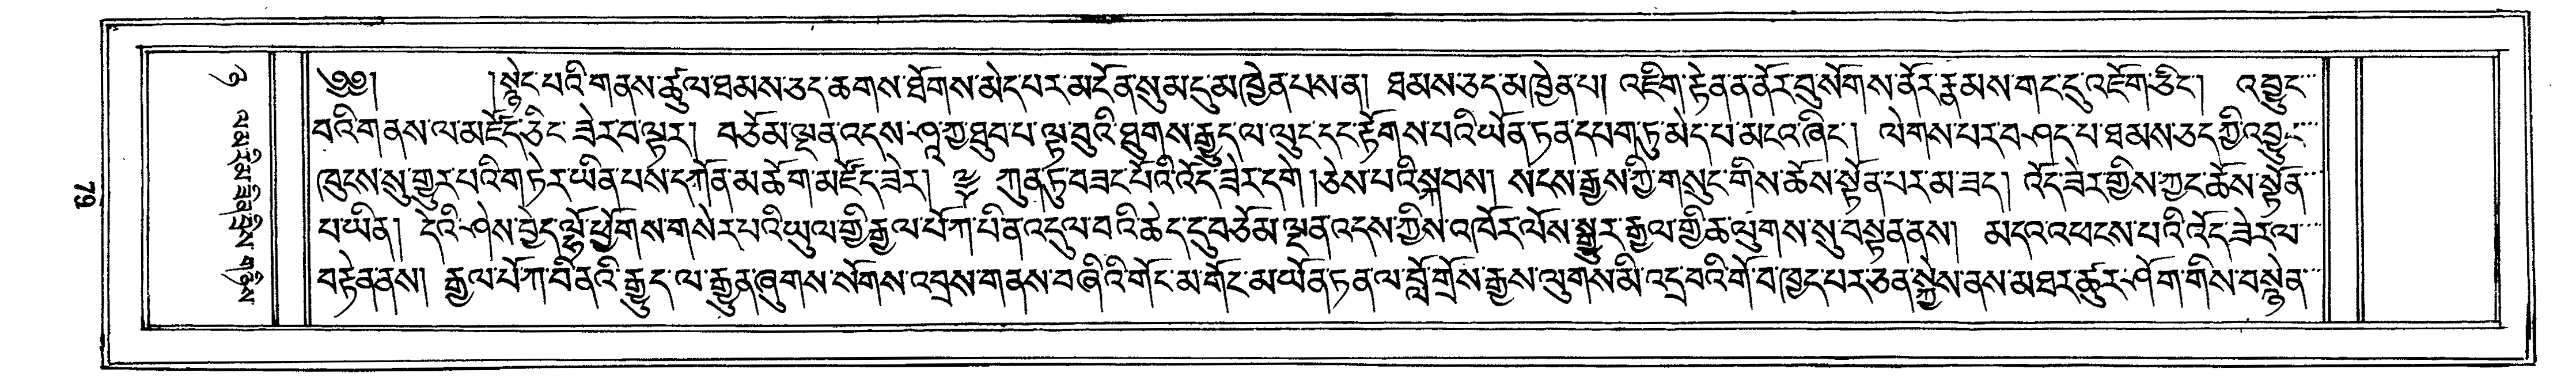༄༅། །སྙེད་པའི་གནས་ཚུལ་ཐམས་ཅད་ཆགས་ཐོགས་མེད་པར་མངོན་སུམ་དུ་མཁྱེན་པས་ན། ཐམས་ཅད་མཁྱེན་པ། འཇིག་རྟེན་ན་ནོར་བུ་སོགས་ནོར་རྣམས་གང་དུ་འཇོག་ཅིང་། འབྱུང་
བའི་གནས་ལ་མཛོད་ཅེས་ཟེར་བ་ལྟར། བཅོམ་ལྡན་འདས་ཤཱཀྱ་ཐུབ་པ་ལྟ་བུའི་ཐུགས་རྒྱུད་ལ་ལུང་དང་རྟོགས་པའི་ཡོན་ཏན་དཔག་ཏུ་མེད་པ་མངའ་ཞིང་། ལེགས་པར་བཤད་པ་ཐམས་ཅད་ཀྱི་འབྱུང་
ཁུངས་སུ་གྱུར་པའི་གཏེར་ཡིན་པས་དཀོན་མཆོག་མཛོད་ཟེར། ༈ ཀུན་ཏུ་བཟང་པོའི་འོད་ཟེར་དག །ཅེས་པའི་སྐབས། སངས་རྒྱས་ཀྱི་གསུང་གིས་ཆོས་སྟོན་པར་མ་ཟད། འོད་ཟེར་གྱིས་ཀྱང་ཆོས་སྟོན་
པ་ཡིན། དེའི་ཤེས་བྱེད་ལྷོ་ཕྱོགས་གསེར་པའི་ཡུལ་གྱི་རྒྱལ་པོ་ཀ་པི་ན་འདུལ་བའི་ཆེད་དུ་བཅོམ་ལྡན་འདས་ཀྱིས་འཁོར་ལོས་སྒྱུར་རྒྱལ་གྱི་ཆ་ལུགས་སུ་བསྟན་ནས། མངའ་འཕངས་བའི་འོད་ཟེར་ལ་
བརྟེན་ནས། རྒྱལ་བོ་ཀ་པི་ནའི་རྒྱུད་ལ་རྒྱུན་ཞུགས་སོགས་འབྲས་གནས་བཞིའི་གོང་མ་གོང་མ་ཡོན་ཏན་ལ་བློ་གྲོས་རྒྱས་ལུགས་མི་འདྲ་བའི་གོ་བ་ཁྱད་པར་ཅན་སྐྱེས་ནས་མཐར་ཚུར་ཤོག་གིས་བསྙེན་